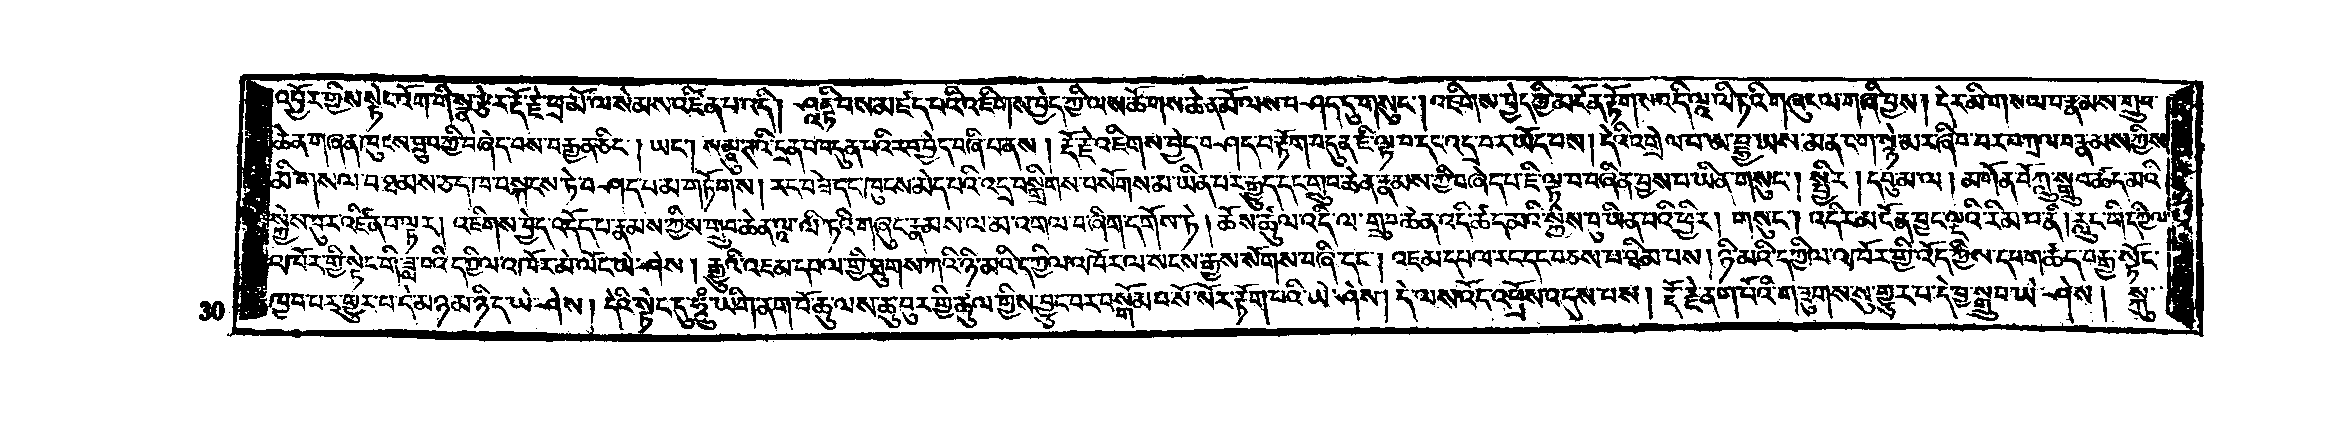འབྱོར་གྱིས་སྟེང་འོག་གི་སྣ་རྩེར་རྡོ་རྗེ་ཕྲ་མོ་ལ་སེམས་འཛིན་པ་འདི། ཤཱནྟི་པས་མཛད་པའི་འཇིགས་བྱེད་ཀྱི་ལས་ཚོགས་ཆེན་མོ་ལས་བཤད་དུ་གསུང་། འཇིགས་བྱེད་ཀྱི་མངོན་རྟོགས་འདི་ལཱ་ལི་ཏའི་གཞུང་ལ་གཞི་བྱས། དེར་མི་གསལ་བ་རྣམས་གྲུབ་
ཆེན་གཞན་ཁུངས་ཐུབ་ཀྱི་བཞེད་པས་བརྒྱན་ཅིང་། ཡང་། སམྦུ་ཊའི་དྲན་པ་བདུན་པའི་རབ་བྱེད་བཞི་པ་ནས། རྡོ་རྗེ་འཇིགས་བྱེད་བཤད་པ་རྟོག་བདུན་ཇི་ལྟ་བ་དང་འདྲ་བར་ཡོད་པས། དེའི་འགྲེལ་པ་ཨ་བྷྱ་ཡས་མན་ངག་སྙེ་མར་ཞིབ་པར་བཀྲལ་བ་རྣམས་ཀྱིས་
མི་གསལ་བ་ཐམས་ཅད་ཁ་བསྐངས་ཏེ་བཤད་པ་མ་གཏོགས། རང་བཟོ་དང་ཁུངས་མེད་པའི་འདྲ་བསྒྲིགས་པ་སོགས་མ་ཡིན་པར་རྒྱུད་དང་གྲུབ་ཆེན་རྣམས་ཀྱི་བཞེད་པ་ཇི་ལྟ་བ་བཞིན་བྱས་པ་ཡིན་གསུང་། སྤྱིར། དབུ་མ་ལ། མགོན་པོ་ཀླུ་སྒྲུབ་ཚད་མའི་
སྐྱེས་བུར་འཛིན་པ་ལྟར། འཇིགས་བྱེད་འདོད་པ་རྣམས་ཀྱིས་གྲུབ་ཆེན་ལཱ་ལི་ཏའི་གཞུང་རྣམས་ལ་མ་འགལ་བ་ཞིག་དགོས་ཏེ། ཆོས་ཚུལ་འདི་ལ་གྲུབ་ཆེན་འདི་ཚད་མའི་སྐྱེས་བུ་ཡིན་པའི་ཕྱིར། གསུང་། འདིར་མངོན་བྱང་ལྔའི་རིམ་པ་ནི། རླུང་གི་དཀྱིལ་
འཁོར་གྱི་སྟེང་གི་ཟླ་བའི་དཀྱིལ་འཁོར་མེ་ལོང་ཡེ་ཤེས། རྒྱུའི་འཇམ་དཔལ་གྱི་ཐུགས་ཀའི་ཉི་མའི་དཀྱིལ་འཁོར་ལ་སངས་རྒྱས་སོགས་བཞི་དང་། འཇམ་དཔལ་རང་དང་བཅས་པ་ཐིམ་པས། ཉི་མའི་དཀྱིལ་འཁོར་གྱི་འོད་ཀྱིས་དཔག་ཚད་བརྒྱ་སྟོང་
ཁྱབ་པར་གྱུར་པ་དེ་མཉམ་ཉིད་ཡེ་ཤེས། དེའི་སྟེང་དུ་ཧཱུཾ་ཡིག་ནག་པོ་ཆུ་ལས་ཆུ་བུར་གྱི་ཚུལ་གྱིས་བྱུང་བར་བསྒོམ་པ་སོ་སོར་རྟོག་པའི་ཡེ་ཤེས། དེ་ལས་འོད་འཕྲོས་འདུས་པས། རྡོ་རྗེ་ནག་པོའི་གཟུགས་སུ་གྱུར་པ་དེ་བྱ་སྒྲུབ་ཡེ་ཤེས། སྐུ་